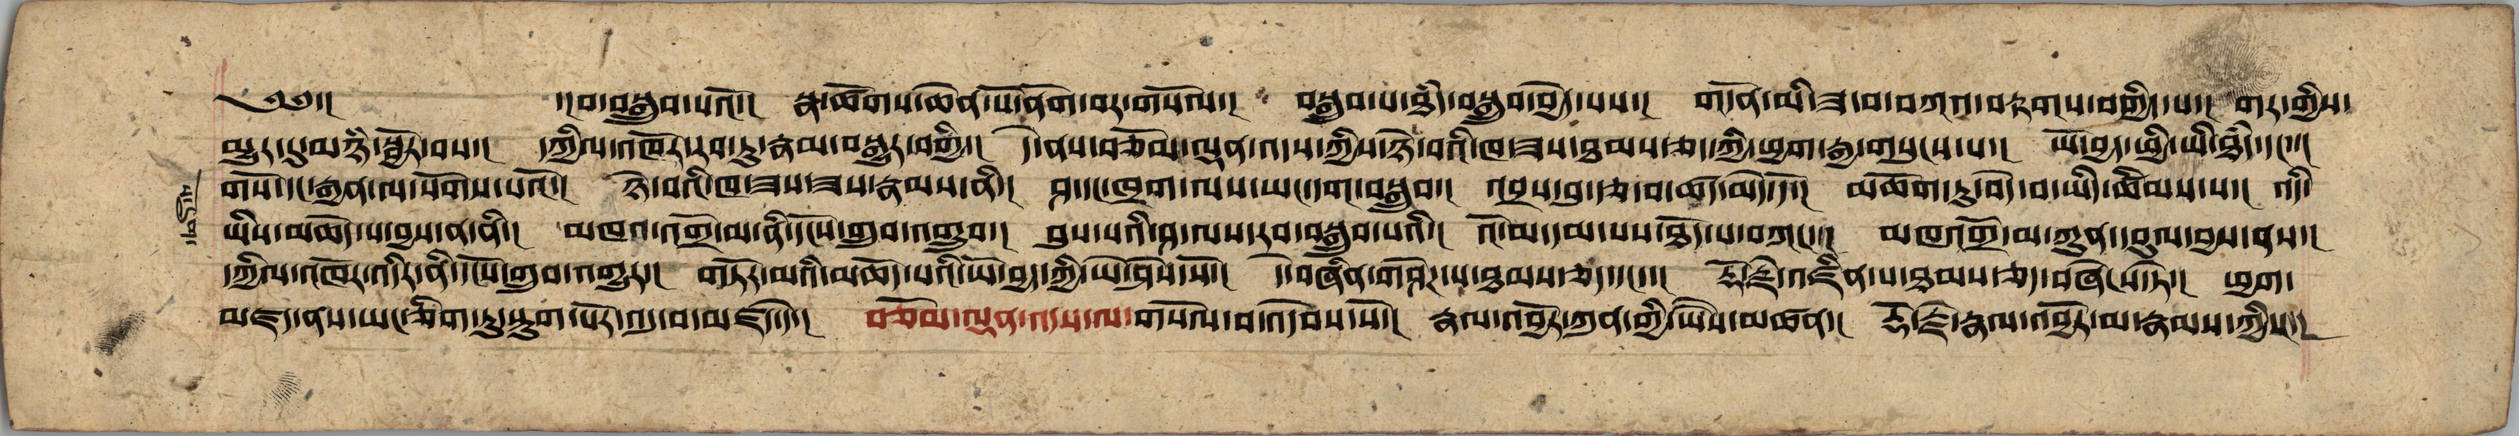༄༅་། ་།བ་བསྒྲུབ་པའོ་། སྣ་ཚོགས་ཆེན་པོ་ནོག་བར་གསོལ་། བསྒྲུབ་པ་ཐཾད་བསྒྲུབ་བྱེད་པས་། གདོན་མི་ཟ་བ་བཀའ་བརྟགས་བགྱིད་པ་། གར་གྱིས་
མྱུར་དུ་མཉཾ་སྦྱོར་བས་། དཀྱིལ་འཁོར་རབ་ཏུ་རྣམ་བསྒྱུར་བགྱི་། དེ་ནས་བཅོམ་ལྡན་འདས་ཀྱིས་ཉེ་བའི་ཁ་ཟས་ཐམས་ཅད་ཀྱི་ཕྱག་རྒྱ་གསུངས་པ་། ཡོ་བྱད་ཕྱི་ཡི་ཐཾད་དང་་།
གོས་དང་རྒྱན་ལ་སོགས་པའོ་། ཉེ་བའི་ཁ་ཟས་ཟས་རྣམས་ནི་། ཤ་དང་ཁྲག་ལས་ཡང་དག་བསྒྲུབ་། འབྲས་བུ་རྩ་བ་ཚད་མེད་དེ་། མཆོག་ཏུ་བདེ་བ་ཡིད་ཚིམས་པ་། འདི་
ཡིས་མཆོད་པ་བྱས་ན་ནི་། མཁའ་འགྲོ་མ་ནི་དངོས་གྲུབ་འགྲུབ་། བུས་པའི་ཤ་ལས་རབ་བསྒྲུབ་པའི་། འོ་མ་དམ་པས་ཐོད་པ་བཀང་་། མཁའགྲོ་མ་ཀུན་དབུལ་བྱས་ནས་།
དཀྱིལ་འཁོར་འདིར་ནི་དངོས་གྲུབ་འགྱུར་། གཏོར་མའི་མཆོད་པའི་ཡོ་བྱད་ཀྱི་ཡེ་ཤེས་སོ་། དེ་བཞིན་གཤེགས་པ་ཐམས་ཅད་དང་་། རྡོ་རྗེ་འཛིན་པ་ཐམས་ཅད་བཞེངས་ཏེ་། ཕྱག་
མཛད་ནས་ཡང་ཅིག་ཏུ་སྟུག་པོར་འདུ་བ་མཛད་དེ་། བཅོམ་ལྡན་འདས་ལ་གསོལ་བ་འདེབས་སོ་། རྣལ་འབྱོར་ཀུན་གྱི་ཡཻས་མཚན་། རྡོ་རྗེ་རྣལ་འབྱོར་མ་རྣམས་ཀྱིས་